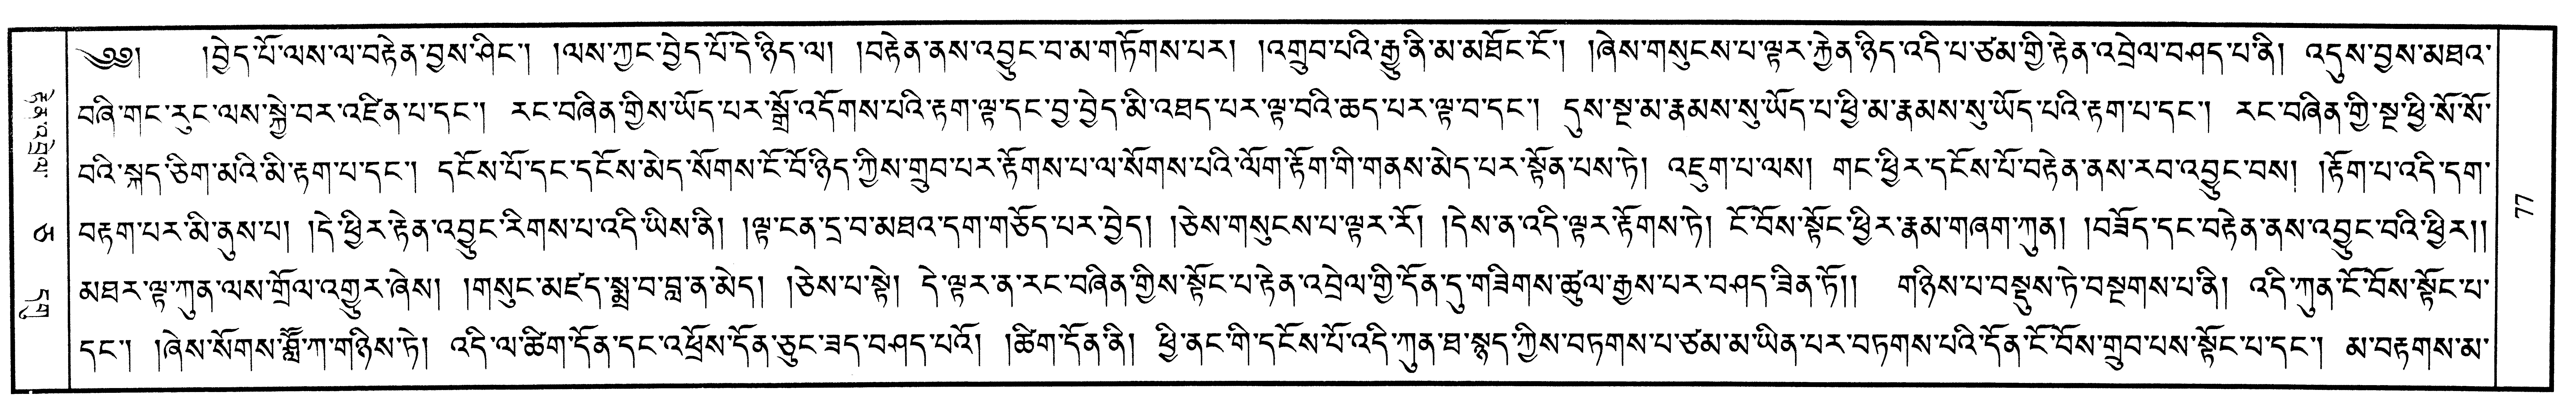༄༅། །བྱེད་པོ་ལས་ལ་བརྟེན་བྱས་ཤིང་། །ལས་ཀྱང་བྱེད་པོ་དེ་ཉིད་ལ། །བརྟེན་ནས་འབྱུང་བ་མ་གཏོགས་པར། །འགྲུབ་པའི་རྒྱུ་ནི་མ་མཐོང་ངོ། །ཞེས་གསུངས་པ་ལྟར་རྐྱེན་ཉིད་འདི་པ་ཙམ་གྱི་རྟེན་འབྲེལ་བཤད་པ་ནི། འདུས་བྱས་མཐའ་
བཞི་གང་རུང་ལས་སྐྱེ་བར་འཛིན་པ་དང་། རང་བཞིན་གྱིས་ཡོད་པར་སྒྲོ་འདོགས་པའི་རྟག་ལྟ་དང་བྱ་བྱེད་མི་འཐད་པར་ལྟ་བའི་ཆད་པར་ལྟ་བ་དང་། དུས་སྔ་མ་རྣམས་སུ་ཡོད་པ་ཕྱི་མ་རྣམས་སུ་ཡོད་པའི་རྟག་པ་དང་། རང་བཞིན་གྱི་སྔ་ཕྱི་སོ་སོ་
བའི་སྐད་ཅིག་མའི་མི་རྟག་པ་དང་། དངོས་པོ་དང་དངོས་མེད་སོགས་ངོ་བོ་ཉིད་ཀྱིས་གྲུབ་པར་རྟོགས་པ་ལ་སོགས་པའི་ལོག་རྟོག་གི་གནས་མེད་པར་སྟོན་པས་ཏེ། འཇུག་པ་ལས། གང་ཕྱིར་དངོས་པོ་བརྟེན་ནས་རབ་འབྱུང་བས། །རྟོག་པ་འདི་དག་
བརྟག་པར་མི་ནུས་པ། །དེ་ཕྱིར་རྟེན་འབྱུང་རིགས་པ་འདི་ཡིས་ནི། །ལྟ་ངན་དྲ་བ་མཐའ་དག་གཅོད་པར་བྱེད། །ཅེས་གསུངས་པ་ལྟར་རོ། །དེས་ན་འདི་ལྟར་རྟོགས་ཏེ། ངོ་བོས་སྟོང་ཕྱིར་རྣམ་གཞག་ཀུན། །བཟོད་དང་བརྟེན་ནས་འབྱུང་བའི་ཕྱིར།།
མཐར་ལྟ་ཀུན་ལས་གྲོལ་འགྱུར་ཞེས། །གསུང་མཛད་སྨྲ་བ་བླ་ན་མེད། །ཅེས་པ་སྟེ། དེ་ལྟར་ན་རང་བཞིན་གྱིས་སྟོང་པ་རྟེན་འབྲེལ་གྱི་དོན་དུ་གཟིགས་ཚུལ་རྒྱས་པར་བཤད་ཟིན་ཏོ།། གཉིས་པ་བསྡུས་ཏེ་བསྔགས་པ་ནི། འདི་ཀུན་ངོ་བོས་སྟོང་པ་
དང་། །ཞེས་སོགས་ཤླཽ་ཀ་གཉིས་ཏེ། འདི་ལ་ཚིག་དོན་དང་འཕྲོས་དོན་ཅུང་ཟད་བཤད་པའོ། །ཚིག་དོན་ནི། ཕྱི་ནང་གི་དངོས་པོ་འདི་ཀུན་ཐ་སྙད་ཀྱིས་བཏགས་པ་ཙམ་མ་ཡིན་པར་བཏགས་པའི་དོན་ངོ་བོས་གྲུབ་པས་སྟོང་པ་དང་། མ་བརྟགས་མ་